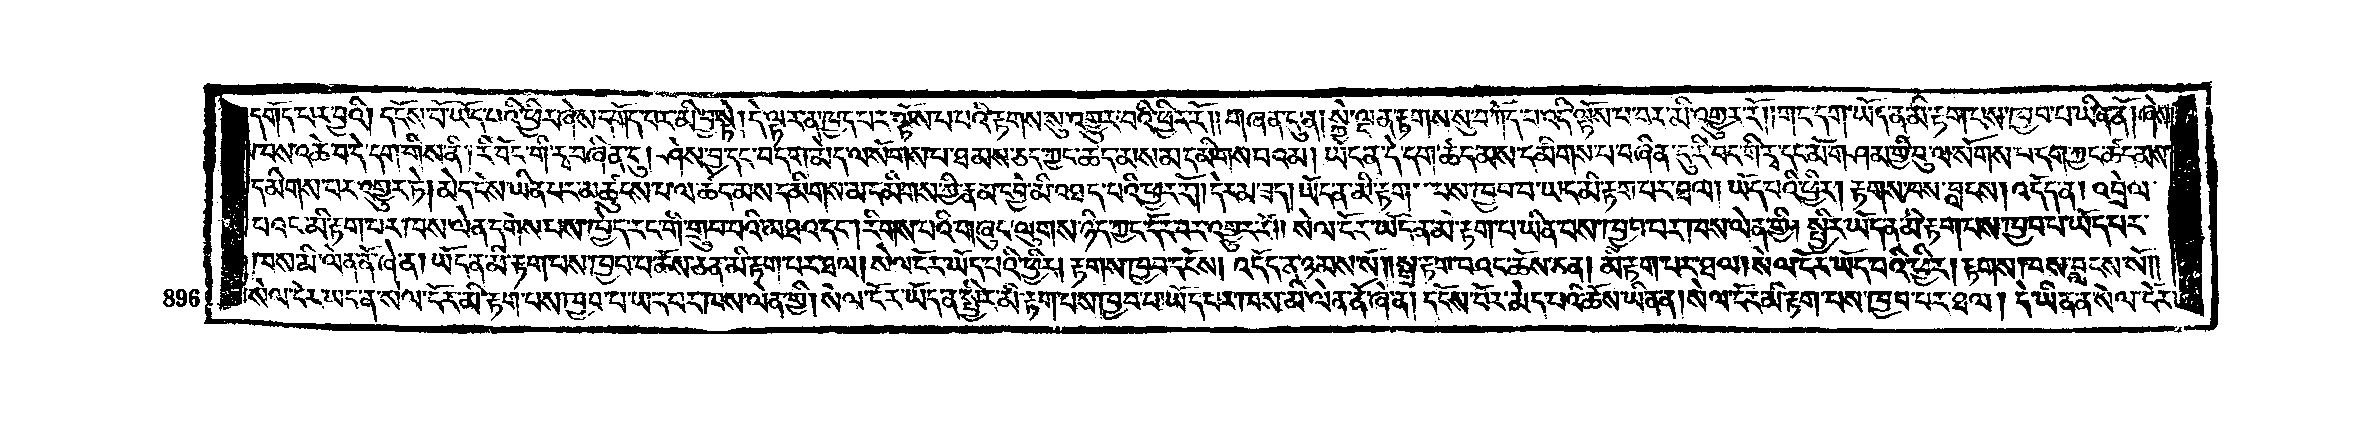དགོད་པར་བྱའོ། དངོས་པོ་ཡོད་པའི་ཕྱིར་ཞེས་དགོད་པར་མི་བྱ་སྟེ། དེ་ལྟར་ན་ཁྱད་པར་པའི་རྟགས་སུ་འགྱུར་བའི་ཕྱིར་རོ། །གཞན་དུ་ན། སྐྱེ་ལྡན་རྟགས་སུ་བཀོད་པ་འདི་ལྟོས་པ་བར་མི་འགྱུར་རོ། །གང་དག་ཡོད་ན་མི་རྟག་པས་ཁྱབ་པ་ཡོན་ནོ། ཞེས་
ཁས་འཆེ་བ་དེ་དག་གིས་ནི། རི་བོང་གི་རVཨ་བཞིན་དུ། ཤེས་བྱ་དང་བདག་མེད་ལ་སོགས་པ་ཐམས་ཅད་ཀྱང་ཚད་མས་མ་དམིགས་པའམ། ཡང་ན་དེ་དག་ཚད་མས་དམིགས་པ་བཞིན་དུ་རི་བོང་གི་རVཨ་དང་མོ་གཤམ་གྱི་བུ་ལ་སོགས་པ་དང་ཀྱང་མཚད་མས་
དམིགས་པར་འགྱུར་ཏེ། མེད་ངེས་ཡིན་པར་འཚུངས་པ་ལ་ཚད་མས་དམིགས་མ་དམིགས་ཀྱི་རྣམ་དབྱེ་མི་འཐད་པའི་ཕྱིར་རོ། །དེར་མ་ཟད། ཡོད་ན་མི་རྟག་པས་ཁྱབ་པ་ཡང་མི་རྟག་པར་ཐལ། ཡོད་པ་ཕྱིར། རྟགས་ཁས་བླངས། འདོད་ན། འབྲེལ་
པའང་མི་རྟག་པར་ཁས་ལེན་དགོས་པས་ཁྱེད་རང་གི་གྲུབ་པའི་མཐའ་དང་། རིགས་པའི་གཞུང་ལུགས་ཉིད་ཀྱང་དོར་བར་འགྱུར་རོ། །སེལ་ངོར་ཡོད་ན་མི་རྟག་པ་ཡིན་པས་ཁྱབ་པར་ཁས་ལེན་གྱི། སྤྱིར་ཡོད་ན་མི་རྟག་པས་ཁྱབ་པ་ཡོད་པར་
ཁས་མི་ལེན་ནོ་ཞེ་ན། ཡོད་ན་མི་རྟག་པ་ཁྱབ་པ་ཆོས་ཅན་མི་རྟག་པར་ཐལ། སེལ་ངོར་ཡོད་པའི་ཕྱིར། རྟགས་ཁྱབ་དངོས། འདོད་ན་ཉམས་སོ། །སྒྲ་རྟག་པའང་ཆོས་ཅན། མི་རྟག་པར་ཐལ། །སེལ་ངོ་ཡོད་པའི་ཕྱིར། རྟགས་ཁས་བླངས་སོ། །
སེལ་ངེར་ཡང་ན་སེལ་ངོར་མི་རྟག་པས་ཁྱབ་པར་ཡང་བར་ཁྱབ་ལེན་གྱི། སེལ་ངོར་ཡོད་ན་སྤྱི་མི་རྟག་པས་ཁྱབ་པ་ཡོད་པར་ཁས་མི་ལེན་ནོ་ཞེ་ན། དངོས་པོར་མེད་པའི་ཆོས་ཡིན་ན། སེལ་ངོར་མི་རྟག་པས་ཁྱབ་པར་ཐལ། དེ་ཡིན་ན་སེལ་ངོར་